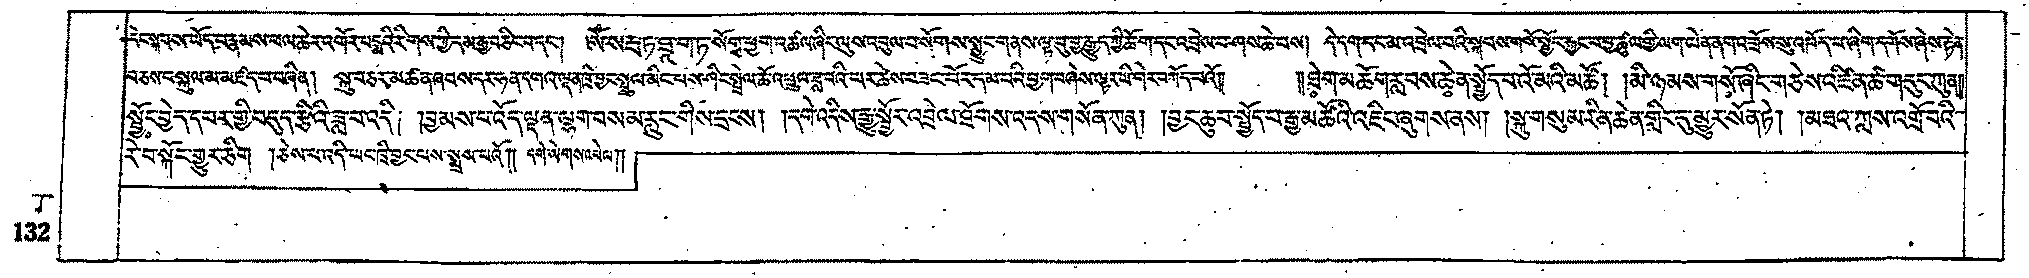དེང་སྐབས་ཡོད་པ་རྣམས་ཕལ་ཆེར་འགོར་པདམའི་རིགས་ཀྱི་དམ་རྒྱ་བཅིང་བ་དང་། ཨོཾ་སརྦ་ཏ་ཐཱ་ག་ཏ་སོགས་ཕྱག་འཚལ་ཞིང་ལུས་འབུལ་བ་སོགས་སྨྱུང་གནས་ལྟ་བུ་བྱ་རྒྱུད་ཀྱི་ཆོ་ག་དང་འབྲེལ་བ་ཤས་ཆེ་བས། དེ་དག་དང་མ་འབྲེལ་བའི་སྐབས་གསོ་སྦྱོང་རྐྱང་པ་བྱ་ཚུལ་གྱི་ལག་ལེན་ནག་འགྲོས་སུ་འཁོད་པ་ཞིག་དགོས་ཞེས་རྟེན་
བཅས་བསྐུལ་མ་མཛད་པ་བཞིན། སྐུ་བཅར་མཚན་ཞབས་དར་ཧན་དགའ་ལྡན་ཁྲི་བྱང་སྤྲུལ་མིང་པས་ཤིང་སྤྲེལ་ཆོ་འཕྲུལ་ཟླ་བའི་ཡར་ཚེས་བཟང་པོར་དམ་པའི་ཕྱག་བཞེས་ལྟར་ཡི་གེར་བཀོད་པའོ།། །།ཐེག྾་མཆོག་རླབས་ཆེན྾་སྤྱོད་པ་འོ་མའི་མཚོ། །མི་ཉམས་གསོ྾་ཞིང་གཅེས་འཛིན་ཚ་གདུང་ཀུན།།
སྦྱོང྾་བྱེད་དཔར་གྱི་བདུད་རྩིའི་ཟླ་བ་འདི། །བྱམས་པ་འོད་ལྡན་ལྷག་བསམ་རླུང་གིས་དྲངས། །དགེ་འདིས་རྒྱུ་སྦྱོར་འབྲེལ་ཐོགས་འདས་གསོན་ཀུན། །བྱང་ཆུབ་སྤྱོད་པ་རྒྱ་མཚོའི་འཇིང་ཞུགས་ནས། །སྐུ་གསུམ་རིན་པོ་ཆེན་གླིང་དུ་མྱུར་སོན་ཏེ། །མཐའ་ཀླས་འགྲོ་བའི་་་
རེ་བ་སྐོང་གྱུར་ཅིག་།ཅེས་པ་འདི་ཡང་ཁྲི་བྱང་པས་སྨྲས་པའོ།། དགེ་ལེགས་འཕེལ།།